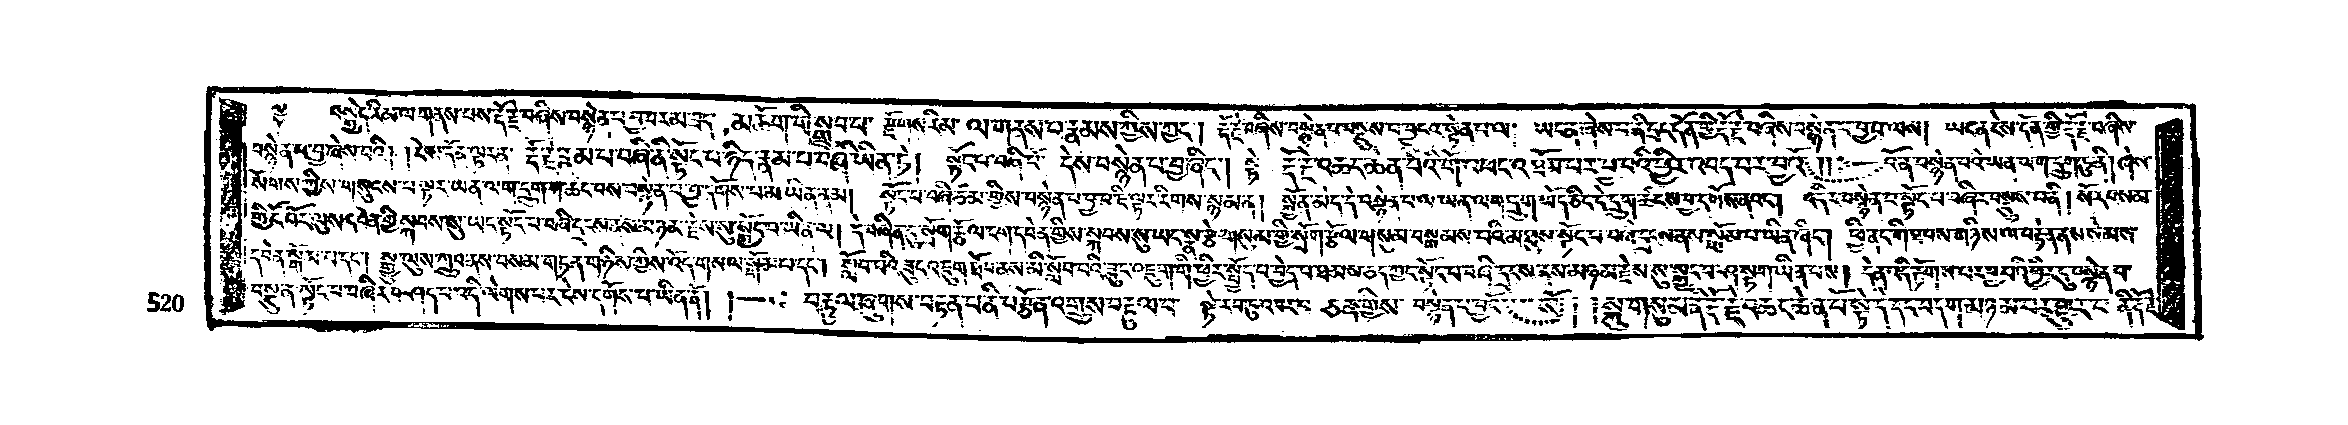༈ བསྐྱེད་རིམ་ལ་གནས་པས་རྡོ་རྗེ་བཞིས་བསྙེན་པ་བྱ་བར་མ་ཟད་མཆོག་གི་སྒྲུབ་པ་རྫོགས་རིམ་ལ་གནས་པ་རྣམས་ཀྱིས་ཀྱང་། རྡོ་རྗེ་བཞིས་བསྙེན་པ་བསྡུས་པ་བྱ་བར་སྟོན་པ་ལ། ཡང་ན་ཞེས་པ་ནི་དྲང་དོན་གྱི་རྡོ་རྗེ་བཞིས་བསྙེན་པ་བྱ་བ་ལས། ཡང་ན་ངེས་དོན་གྱི་རྡོ་རྗེ་བཞིས་
བསྙེན་པ་བྱ་ཞེས་པའོ། །ངེས་དོན་ལྟར་ན་རྡོ་རྗེ་རྣམ་པ་བཞི་ནི་སྟོང་པ་ཉིད་རྣམ་པ་བཞི་ཡིན་ཏེ། སྟོང་པ་བཞི་པོ་དེས་བསྙེན་པ་བྱ་ཞིང་། སྟེ་རྡོ་རྗེ་འཆང་ཆེན་པོའི་གོ་འཕང་འཐོབ་པར་བྱ་བའི་ཕྱིར་འབད་པར་བྱའོ།། འོ་ན་བསྙེན་པའི་ཡན་ལག་དྲུག་ཏུ་ནི། ཞེས་
སོགས་ཀྱིས་གསུངས་པ་ལྟར་ཡན་ལག་དྲུག་ཀ་ཚང་བས་བསྙེན་པ་བྱ་དགོས་པ་མ་ཡིན་ནམ། སྟོང་པ་བཞི་ཙམ་གྱིས་བསྙེན་པ་བྱ་བ་ཇི་ལྟར་རིགས་སྙམ་ན། སྐྱོན་མེད་དེ་བསྙེན་པ་ལ་ཡན་ལག་དྲུག་ཡོད་ཅིང་དེ་དྲུག་ཚང་བ་བྱ་དགོས་ནའང་། འདིར་བསྙེན་པ་སྟོང་པ་བཞིར་བསྡུས་པ་ནི། སོར་བསམ་
གྱི་ངོ་བོར་ལུས་དབེན་གྱི་སྐབས་སུ་ཡང་སྟོང་པ་བཞི་དྲངས་ནས་མཉམ་རྗེས་སུ་སྐྱོང་བ་ཡིན་ལ། དེ་བཞིན་དུ་སྲོག་རྩོལ་ངག་དབེན་གྱིས་སྐབས་སུ་ཡང་སྣ་རྩེ་གསུམ་གྱི་སྲོག་རྩོལ་གསུམ་བསྒམས་པའི་མཐུས་སྟོང་པ་བཞི་དྲངས་ནས་སྒོམ་པ་ཡིན་ཞིང་། ཕྱི་ནང་གི་ཐབས་གཉིས་ལ་བརྟེན་ནས་སེམས་
དབེན་སྒོམ་པ་དང་། སྒྱུ་ལུས་གྲུབ་ནས་བསམ་གཏན་གཉིས་ཀྱིས་འོད་གསལ་སྒོམ་པ་དང་། སློབ་པའི་ཟུང་འཇུག་ཐོབ་ནས་མི་སློབ་པའི་ཟུང་འཇུག་གི་ཕྱིར་སྤྱོད་པ་བྱེད་པ་ཐམས་ཅད་ཀྱང་སྟོང་པ་བཞི་དྲངས་ནས་མཉམ་རྗེས་སུ་སྐྱང་པ་ཤ་སྟག་ཡིན་པས། དོན་འདི་རྟོགས་པར་བྱ་བའི་ཕྱིར་དུ་བསྙེན་པ་
བསྡུ་ན་སྟོང་པ་བཞིར་བཤད་པ་འདི་ལེགས་པར་ངེས་དགོས་པ་ཡིན་ནོ། །བརྟུལ་ཞུགས་བརྟན་པ་ནི་བརྩོན་འགྲུས་བརྟུལ་བ་སྟེ་རབ་ཏུ་འབར་བ་ཅན་གྱིས་བསྙེན་པ་བྱའོ་སོ། །སྐུ་གསུམ་ནི་རྡོ་རྗེ་འཆང་ཆེན་པོ་སྟེ་དེ་དང་བདག་མཉམ་པར་གྱུར་པ་ནི་རྡོ་རྗེ་